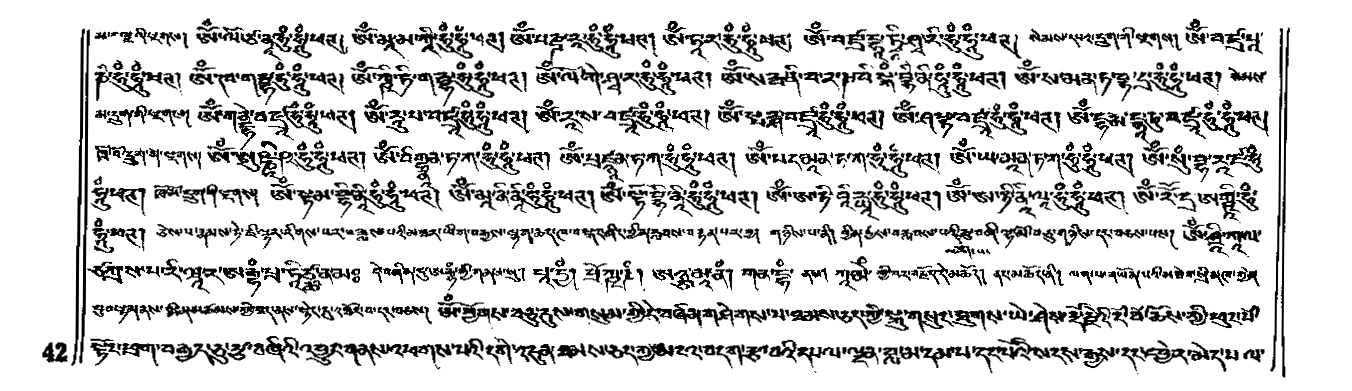མ་?་ལྔའི་སྔགས། ཨོཾ་ལོ་ཙ་ནཱ་ཧུཾ་ཧཱུཾ་ཕཊ། ཨོཾ་མཱ་མ་ཀཱི་ཧུཾ་ཧཱུཾ་ཕཊ། ཨོཾ་པཎྜ་རཱ་ཧུཾ་ཧཱུཾ་ཕཊ། ཨོཾ་ཏཱ་ར་ཧུཾ་ཧཱུཾ་ཕཊ། ཨོཾ་བཛྲ་དྷཱ་ཏྭཱི་ཤྭ་རི་ཧུཾ་ཧཱུཾ་ཕཊ། སེམས་དཔའ་དྲུག་གི་སྔགས།  ཨོཾ་བཛྲ་པཱ་ཎི་ཧུཾ་ཧཱུཾ་ཕཊ། ཨོཾ་ཁ་གདབྷ་ཧུཾ་ཧཱུཾ་ཕཊ། ཨོཾ་ཀྵི་ཏི་གརྦྷ་ཧུཾ་ཧཱུཾ་ཕཊ། ཨོཾ་ལོ་ཀེ་ཤྭ་ར་ཧུཾ་ཧཱུཾ་ཕཊ། ཨོཾ་སརྦ་ནི་བ་ར་ཎ་བི་སྐཾ་བྷི་མི་ཧཱུཾ་ཧཱུཾ་ཕཊ། ཨོཾ་ས་མན་ཏ་བྷ་དྲ་ཧུཾ་ཧཱུཾ་ཕཊ། སེམས་
མ་དྲུག་གི་སྔགས། ཨོཾ་གནྡྷེ་བཛྲཱ་ཧུཾ་ཧཱུཾ་ཕཊ། ཨོཾ་རཱུ་པ་བཛྲཱ་ཧུཾ་ཧཱུཾ་ཕཊ། ཨོཾ་རཱ་ས་བཛྲཱ་ཧུཾ་ཧཱུཾ་ཕཊ། ཨོཾ་སྤརྵ་བཛྲཱ་ཧུཾ་ཧཱུཾ་ཕཊ། ཨོཾ་ཤཔྟ་བཛྲཱ་ཧུཾ་ཧཱུཾ་ཕཊ། ཨོཾ་དྷརྨ་དྷཱ་ཧུ་བཛྲཱ་ཧུཾ་ཧཱུཾ་ཕཊ།
ཁྲོ་བོ་དྲུག་གི་སྔགས།  ཨོཾ་ཨུཥྞཱི་ཥ་ཧུཾ་ཧཱུཾ་ཕཊ། ཨོཾ་བིགྷྣན་ཏ་ཀ་ཧུཾ་ཧཱུཾ་ཕཊ། ཨོཾ་པྲཛྙཱན་ཏ་ཀ་ཧུཾ་ཧཱུཾ་ཕཊ། ཨོཾ་པད་མཱན་ཏ་ཀ་ཧུཾ་ཧཱུཾ་ཕཊ། ཨོཾ་ཡ་མཱན་ཏ་ཀ་ཧུཾ་ཧཱུཾ་ཕཊ། ཨོཾ་སུཾ་བྷ་རཱ་ཛ་ཧུཾ་
ཧཱུཾ་ཕཊ། ཁྲོ་མོ་དྲུག་གི་སྔགས།  ཨོཾ་སྟམ་བྷི་ནཱི་ཧུཾ་ཧཱུཾ་ཕཊ། ཨོཾ་མཱ་ནི་ནཱི་ཧུཾ་ཧཱུཾ་ཕཊ། ཨོཾ་སྟོ་བྷི་ནཱི་ཧུཾ་ཧཱུཾ་ཕཊ། ཨོཾ་ཨ་ཏི་བཱིརྱཱ་ཧུཾ་ཧཱུཾ་ཕཊ། ཨོཾ་ཨ་ཏི་ནཱི་ལཱ་ཧུཾ་ཧཱུཾ་ཕཊ། ཨོཾ་རཽ་དྲ་ཨགྵཱི་ཧུཾ་
ཧཱུཾ་ཕཊ། ཅེས་པ་རྣམས་ཏེ་ཇི་ལྟར་རིགས་པར་བཟླས་པའི་མཐར་ཡིག་བརྒྱས་ལྷག་ཆད་ཁ་བསྐད་ཞིང་བྱིན་རླབས་བརྟན་པར་བྱ། གཉིས་པ་ནི། སྦྱིན་གྱིས་བརླབས་པའི་མཆོད་པ་ཆུ་བཞི་ལྷ་མོ་བཅུ་གཉིས་དང་བཅས་པས།  ཨོཾ་ཤྲཱི་ཀཱ་ལ་
ཙཀྲ་ས་པའི་ཝཱར་ཨརྒྷཾ་པྲ་ཏཱིཙྪ་ན་མཿ དེ་བཞིན་དུ་ཨརྒྷཾ་གྱི་གནས་སུ།  པཱ་དྱཾ། པྲོཀྵ་ཎཾ། ཨཉྩ་མཱ་ནཾ། གན་དྷཾ་ནས།  ཀཱ་མེཾ་གྱི་བར་བརྗོད་དེ་མཆོད། ནང་མཆོད་ནི། ལག་པ་གཡོན་པའི་མཐེག་སྲིན་ཁ་གྱེན་
དུ་བསྟན་ནས་སྨིན་མཚམས་ཀྱི་ཐད་ནས་སྟེང་དུ་འཐོར་བ་དང་བཅས། ཨོཾ་ཕྱོགས་བཅུ་དུས་གསུམ་གྱི་དེ་བཞིན་གཤེགས་པ་ཐམས་ཅད་ཀྱི་སྐུ་གསུང་ཐུགས་ཡེ་ཤེས་རྡོ་རྗེའི་ངོ་བོ་ཆོས་ཀྱི་ཕུང་པོ་
སྟོང་ཕྲག་བརྒྱད་ཅུ་རྩ་བཞིའི་འབྱུང་གནས་འཕགས་པའི་དགེ་འདུན་ཐམས་ཅད་ཀྱི་མངའ་བདག་རྩ་བའི་དཔལ་ལྡན་བླ་མ་དམ་པ་དང་པོའི་སངས་རྒྱས་དང་དབྱེར་མེད་པ་ལ་